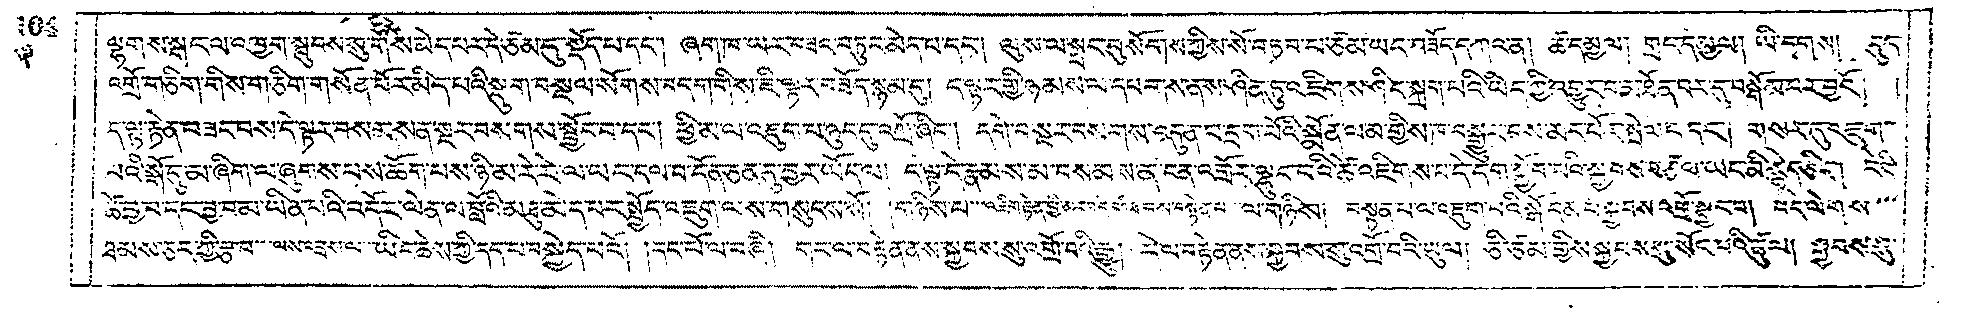ལྷགས་ས་སྒང་ལ་འཁྱག་སྦུབས་སུ་གོས་མེད་པར་དེ་ཙམ་དུ་སྡོད་པ་དང་། ཞག་ཁ་ཡར་བཟའ་བཏུང་མེད་པ་དང་། ལུས་ལ་སྦྲང་བུ་སོགས་ཀྱིས་སོ་བཏབ་པ་ཙམ་ཡང་བཟོད་དཀའ་ན། ཚ་དམྱལ། གྲང་དམྱལ། ཡི་དྭགས། དུད་
འགྲོ་གཅིག་གིས་གཅིག་གསོན་པོར་མིད་པའི་སྡུག་བསྔལ་སོགས་བདག་གིས་ཇི་ལྟར་བཟོད་སྙམ་དུ། ད་ལྟར་གྱི་ཉམས་ལ་དཔགས་ནས་ཤིན་ཏུ་འཇིགས་ཤིང་སྐྲག་པའི་ཡིད་ཀྱི་འགྱུར་བ་མ་ཐོན་པར་དུ་བསྒོམ་བར་བྱའོ། །
ད་ལྟ་རྟེན་བཟང་བས་དེ་ལྟར་བསམས་ན་སྔར་བསགས་སྦྱོང་བ་དང་། ཕྱི་མ་ལ་འཇུག་པ་ཉུང་དུ་འགྲོ་ཞིང་། དགེ་བ་སྔར་བསགས་འདུན་པ་དྲག་པོའི་སྨོན་ལམ་གྱིས་ཁ་བསྒྱུར་བས་མང་པོར་སྤེལ་བ་དང་། གསར་དུ་འཇུག་
པའི་སྒོ་དུ་མ་ཞིག་ལ་ཞུགས་པས་ཆོག་པས་ཉི་མ་རེ་རེ་ལ་ཡང་དལ་བ་དོན་ཅན་དུ་བྱར་ཡོད་ལ། ད་ལྟ་དེ་རྣམས་མ་བསམས་ན་ངན་འགྲོར་ལྷུང་བའི་ཚེ་འཇིགས་པ་དེ་དག་སྐྱོབ་པའི་སྐྱབས་བཙལ་ཡང་མི་རྙེད་ཅིང་། ངེའི་
ཚེ་བྱ་བ་དང་བྱ་བ་མ་ཡིན་པའི་འདོར་ལེན་ལ་བློའི་མཐུ་མེད་པར་སྤྱོད་འཇུག་ལས་གསུངས་སོ། །གཉིས་པའཇིག་རྟེན་ཕྱི་མར་བདེ་བའི་ཐབས་བསྟེན་པལ་གཉིས། བསྟན་པ་ལ་འཇུག་པའི་སྒོ་དམ་པ་སྐྱབས་འགྲོ་སྦྱང་བ། བདེ་ལེགས་
ཐམས་ཅད་ཀྱི་རྩ་བལས་འབྲས་ལཡིད་ཆེས་ཀྱི་དད་པ་བསྐྱེད་པའོ། །དང་པོ་ལ་བཞི། གང་ལ་བརྟེན་ནས་སྐྱབས་སུ་འགྲོ་བའི་རྒྱུ། དེ་ལ་བརྟེན་ནས་སྐྱབས་སུ་འགྲོ་བའི་ཡུལ། ཅི་ཙམ་གྱིས་སྐྱབས་སུ་སོང་བའི་ཚུལ། སྐྱབས་སུ་